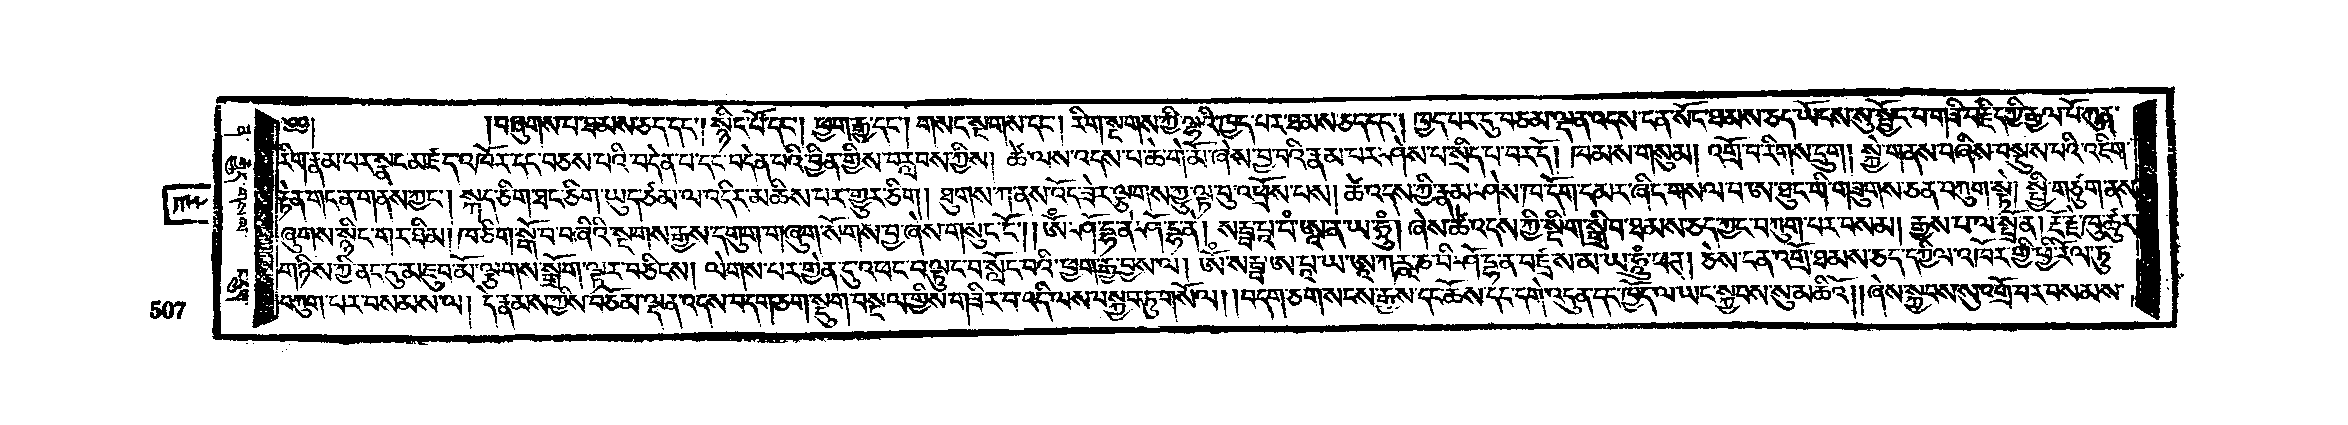༄༅། །བཞུགས་པ་ཐམས་ཅད་དང་། སྙིང་པོ་དང་། ཕྱག་རྒྱ་དང་། གསང་སྔགས་དང་། རིག་སྔགས་ཀྱི་ལྷའི་ཁྱད་པར་ཐམས་ཅད་དང་། ཁྱད་པར་དུ་བཅོམ་ལྡན་འདས་ངན་སོང་ཐམས་ཅད་ཡོངས་སུ་སྦྱོང་བ་གཟི་བརྗིད་ཀྱི་རྒྱལ་པོ་ཀུན་
རིག་རྣམ་པར་སྣང་མཛད་འཁོར་དང་བཅས་པའི་བདེན་པ་དང་བདེན་པའི་བྱིན་གྱིས་བརླབས་ཀྱིས། ཚེ་ལས་འདས་པ་ཆེ་གེ་མོ་ཞེས་བྱ་བའི་རྣམ་པར་ཤེས་པ་སྲིད་པ་བར་དོ། ཁམས་གསུམ། འགྲོ་བ་རིགས་དྲུག །སྐྱེ་གནས་བཞིས་བསྡུས་པའི་འཇིག་
རྟེན་གང་ན་གནས་ཀྱང་། སྐད་ཅིག་ཐང་ཅིག་ཡུད་ཙམ་ལ་འདིར་མཆིས་པར་གྱུར་ཅིག །ཐུགས་ཀ་ནས་འོད་ཟེར་ལྕགས་ཀྱུ་ལྟ་བུ་འཕྲོས་པས། ཚེ་འདས་ཀྱི་རྣམ་ཤེས་ཁ་དོག་དམར་ཞིང་གསལ་བ་ཨ་ཐུང་གི་གཟུགས་ཅན་བཀུག་སྟེ། སྤྱི་གཙུག་ནས་
ཞུགས་སྙིང་གར་ཐིམ། ཁ་ཅིག་སྒོ་བ་བཞིའི་སྔགས་རྒྱས་དགུག་གཞུག་སོགས་བྱ་ཞེས་གསུང་ངོ། །ཨོཾ་ཤོ་དྷ་ནེ་ཤོ་དྷ་ནེ། སརྦྦ་པཱ་པཾ་ཨཱ་ན་ཡ་ཧཱུཾ། ཞེས་ཚེ་འདས་ཀྱི་སྡིག་སྒྲིབ་ཐམས་ཅད་ཀྱང་བཀུག་པར་བསམ། རྒྱས་པ་ལ་སྤྲོ་ན། རྡོ་རྗེ་ཁུ་ཚུར་
གཉིས་ཀྱི་ནང་དུ་མཇུབ་མོ་ལྕགས་སྒྲོག་ལྟར་བཅིངས། ལེགས་པར་གྱེན་དུ་འཕང་བ་ལྟུང་བ་སློང་བའི་ཕྱག་རྒྱ་བྱས་ལ། ཨོཾ་སརྦྦ་ཨ་པཱ་ཡ་ཨཱ་ཀརྵ་ཎ་བི་ཤོ་དྷ་ན་བཛྲ་ས་མ་ཡ་ཧཱུཾ་ཕཊ། ཅེས་ངན་འགྲོ་ཐམས་ཅད་དཀྱིལ་འཁོར་གྱི་ཕྱི་རོལ་ཏུ་
བཀུག་པར་བསམས་ལ། དེ་རྣམས་ཀྱིས་བཅོམ་ལྡན་འདས་བདག་ཅག་སྡུག་བསྔལ་གྱིས་གཟིར་བ་འདི་ལས་བསྐྱབ་ཏུ་གསོལ། །བདག་ཅག་སངས་རྒྱས་དང་ཆོས་དང་དགེ་འདུན་དང་ཁྱོད་ལ་ཡང་སྐྱབས་སུ་མཆིའོ། །ཞེས་སྐྱབས་སུ་འགྲོ་བར་བསམས་